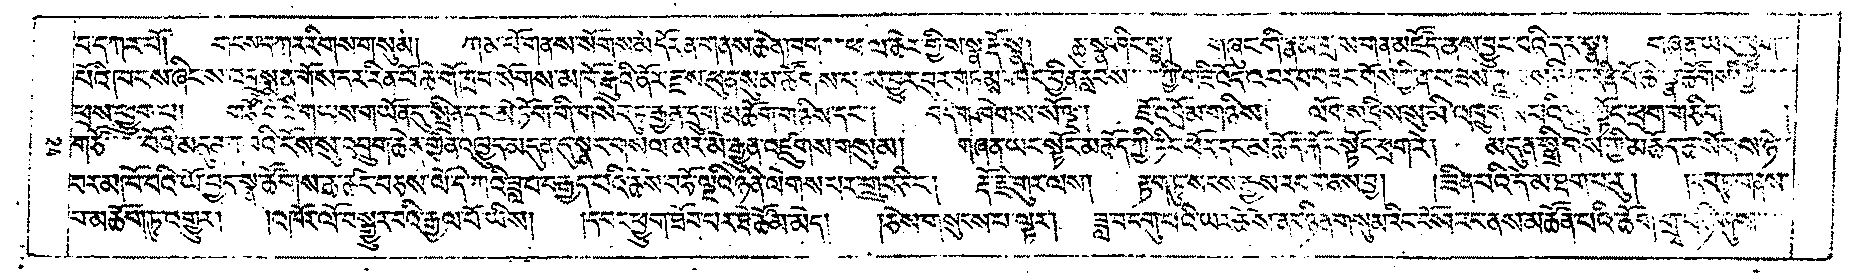བ་དཀར་པོ། གངས་དཀར་རིགས་གསུམ། ཀམ་པོ་གནས་སོགས་མདོར་ན་གནས་ཆེན་ཁག་ཕལ་ཆེར་གྱི་ས་སྣ་རྡོ་སྣ། ཆུ་སྣ་ཤིང་སྣ། གཞུང་གི་རྣམ་སྲས་གན་མཛོད་ནས་བྱུང་བའི་དར་སྣ། གཞན་ཡང་ཕྱུག་
པོའི་ཁང་ས་ཞིང་ས་འདྲུ་སྨན་གོས་དར་རིན་པོ་ཆེ་གོ་ཁྲབ་སོགས་མཁོ་རྒུའི་ནོར་རྫས་ཕུན་སུམ་ཚོགས་པས་བྱུར་བུར་གཏམས་ཤིང་བྱིན་རླབས་ཀྱི་གཟི་འོད་འབར་བ་བཟང་གོས་ཀྱི་ན་བཟས་ཀླུབས་ཤིང་རིན་པོ་ཆེ་སྣ་ཚོགས་ཀྱི་
ཕྲས་ཕྱུག་པ། གཙོ་བོའི་གཡས་གཡོན་དུ་སྤྲིན་དང་མེ་ཏོག་གི་གསེབ་ཏུ་རྒྱན་དྲུག་མཆོག་གཉིས་དང་། བདེ་གཤེགས་སོ་ལྔ། ཇོ་འབྲོམ་གཉིས། ལོགས་བྲིས་སུ་མི་འཁྲུགས་པའི་སྐུ་སྟོང་ཕྲག་གཅིག །
གཙོ་བོའི་མདུན་ཀ་བའི་ངོས་སུ་འབྲུག་ཆེན་གྱིན་འཁྱུད་མདུན་དུ་སྣང་གསལ་མར་མེ་རྒྱུན་འཛུགས་གསུམ། གཞན་ཡང་སྟོང་མཆོད་ཀྱི་ཏིང་ཕོར་དང་མཆོད་རྐོང་སྟོང་ཕྲག་རེ། མདུན་སྒྲིགས་ཀྱི་མཆོད་ཆ་སོགས་ཉེ་
བར་མཁོ་བའི་ཡོ་བྱད་སྣ་ཚོགས་ཆ་ཚང་བཅས་ལོ་དེ་ཀའི་ཟླ་བ་བརྒྱད་པའི་ཚེས་བཅོ་ལྔའི་ཉིན་ལེགས་པར་གྲུབ་ཅིང་། རྡོ་རྗེ་གུར་ལས། རྟག་ཏུ་སངས་རྒྱས་རབ་གནས་བྱ། །ཟིན་པའི་དེ་མ་ཐག་པ་རུ། །རབ་ཏུ་གནས་
པ་མཆོག་ཏུ་འགྱུར། །འཁོར་ལོ་བསྒྱུར་པའི་རྒྱལ་པོ་ཡིས། །དབང་ཕྱུག་ཐོབ་པར་ཐེ་ཚོམ་མེད། །ཅེས་གསུངས་པ་ལྟར། ཟླ་བ་དགུ་པའི་ཡར་ཚེས་ནང་ཉིན་གསུམ་རིང་ངོས་རང་ནས་མཚོན་པའི་ཆོག་གྲྭ་པ་ཉི་ཤུས་